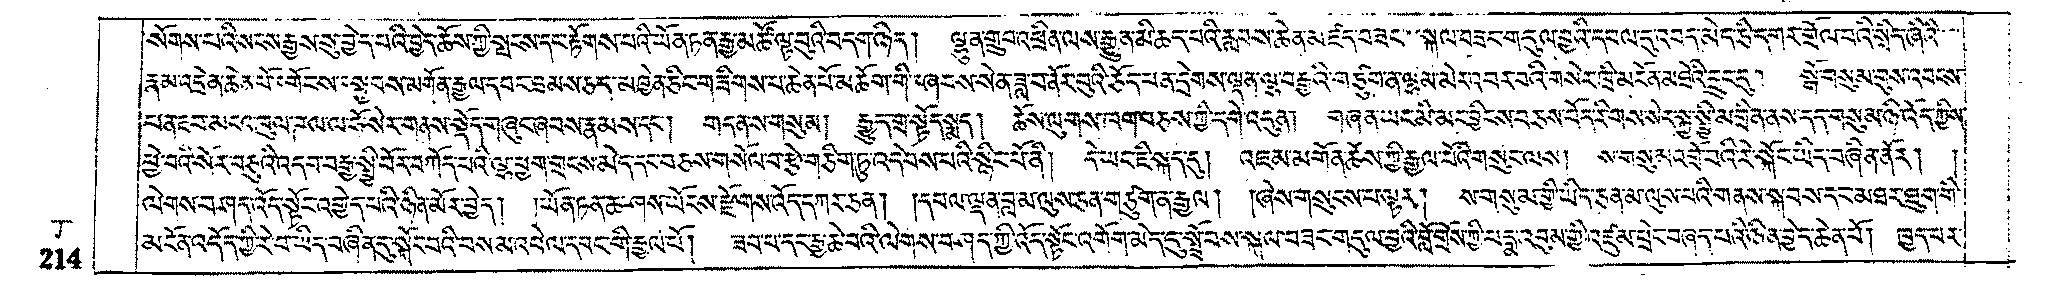སོགས་པའི་སངས་རྒྱས་སུ་བྱེད་པའི་བྱེད་ཆོས་ཀྱི་སྤངས་དང་རྟོགས་པའི་ཡོན་ཏན་རྒྱ་མཚོ་ལྟ་བུའི་བདག་ཉིད། ལྷུན་གྲུབ་འཕྲིན་ལས་རྒྱུན་མི་ཆད་པའི་རླབས་ཆེན་མཛད་བཟང་་་་སྐལ་བཟང་གདུལ་བྱའི་དཔལ་དུ་འབད་མེད་ཅི་དགར་གྲོལ་བའི་སྲིད་གཞིའི་་་
རྣམ་འདྲེན་ཆེན་པོ ༧གོང་ས ༧སྐྱབས་མགོན་རྒྱལ་དབང་ཐམས་ཅད་མཁྱེན་ཅིང་གཟིགས་པ་ཆེན་པོ་མཆོག་གི ༧ཞབས་སེན་ཟླ་བ་ནོར་བུའི་ཅོད་པན་དྲེགས་ལྡན་ལྷ་བརྒྱའི་བཙུག་ན་ལྷམ་མེར་འབར་བའི་གསེར་ཁྲི་མངོན་མཐོའི་དྲུང་དུ། སྒོ་གསུམ་གུས་འབངས་
པན་ཇབ་མངའ་ཁུལ་ཊལ་ལ་ཧོ་སེར་གནས་སྡོད་གཞུང་ཞབས་རྣམས་དང་། གདན་ས་གསུམ། རྒྱུད་དགྲ་སྟོད་སྨད། ཆོས་ལུགས་ཁག་བཅས་ཀྱི་དགེ་འདུན། གཞན་ཡང་མི་མང་བྱིངས་བཅས་བོད་རིགས་སེར་སྐྱ་སྤྱི་མགྲིན་ནས་དད་གསུམ་ཉི་འོད་ཀྱིས་
ཕྱེ་བའི་སོར་བཅུའི་འདབ་བརྒྱ་སྤྱི་བོར་བཀོད་པའི་ལྷ་ཕྱག་གྲངས་མེད་དང་བཅས་གསོལ་བ་རྩེ་གཅིག་ཏུ་འདེབས་པའི་སྙིང་པོ་ནི། དེ་ཡང་ཇི་སྐད་དུ། འཇམ་མགོན་ཆོས་ཀྱི་རྒྱལ་པོའི་གསུང་ལས། ས་གསུམ་འགྲོ་བའི་རེ་སྐོང་ཡིད་བཞིན་ནོར། །
ལེགས་བཤད་འོད་སྟོང་འགྱེད་པའི་ཉིན་མོར་བྱེད། །ཡོན་ཏན་ཆ་ཤས་ཡོངས་རྫོགས་འོད་དཀར་ཅན། །དཔལ་ལྡན་བླ་མ་ལུས་ཅན་གཙུག་ན་རྒྱལ། །ཞེས་གསུངས་པ་ལྟར། ས་གསུམ་གྱི་ཡིད་ཅན་མ་ལུས་པའི་གནས་སྐབས་དང་མཐར་ཐུག་གི་
མངོན་འདོད་ཀྱི་རེ་བ་ཡིད་བཞིན་དུ་སྐོང་བའི་བསམ་འཕེལ་དབང་གི་རྒྱལ་པོ། ཟབ་པ་དང་རྒྱ་ཆེ་བའི་ལེགས་བཤད་ཀྱི་འོད་སྟོང་འགོག་མེད་དུ་སྤྲོ་བས་སྐལ་བཟང་གདུལ་བྱའི་བློ་གྲོས་ཀྱི་པདམ་འབུམ་གྱི་འཛུམ་ཕྲེང་བཞད་པའི་ཉིན་བྱེད་ཆེན་པོ། ཁྱད་པར་